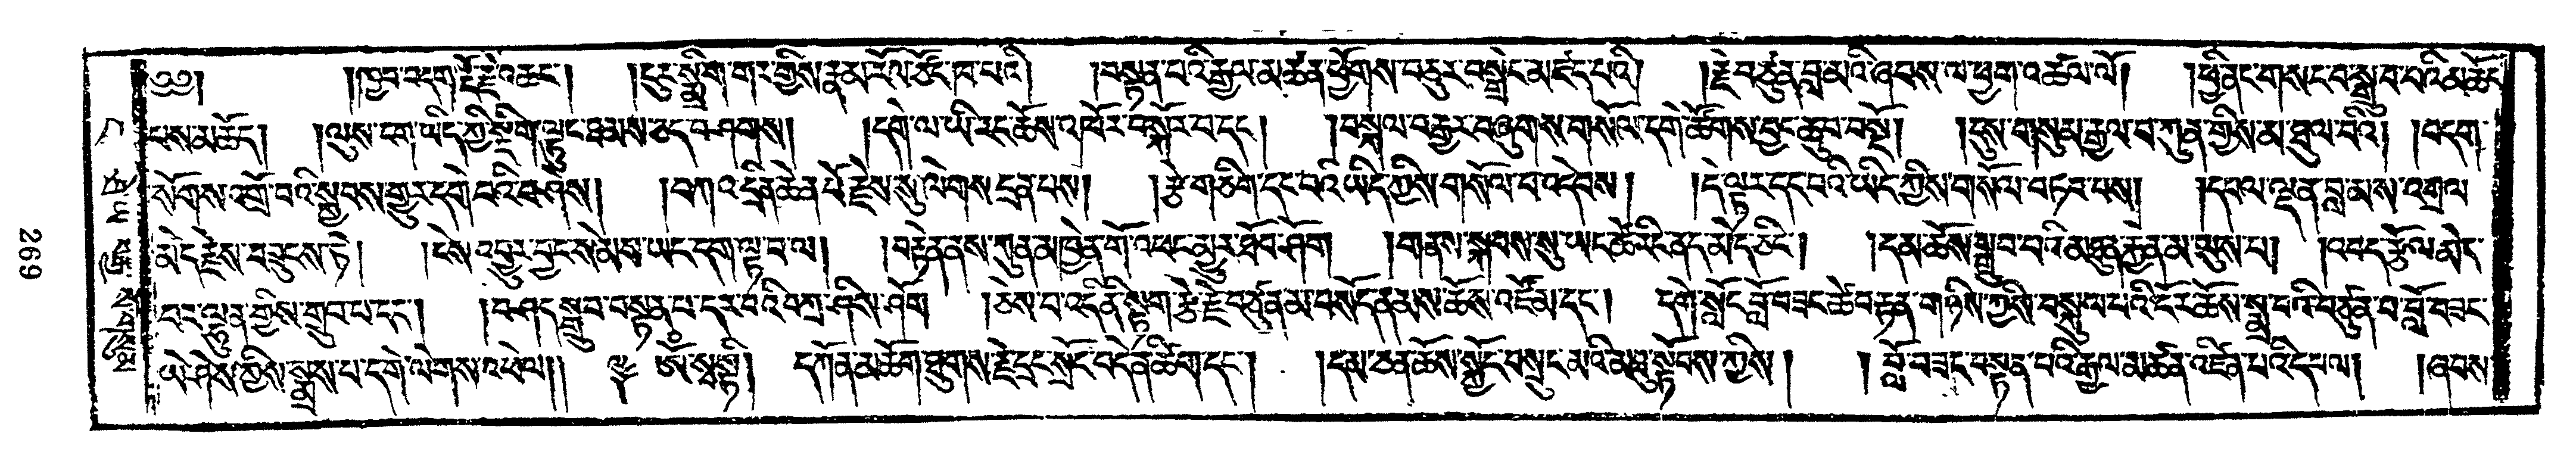༄༅། །ཁྱབ་བདག་རྡོ་རྗེ་འཆང་། །དུར་སྨྲིག་གར་གྱིས་རྣམ་རོལ་ཙོང་ཁ་པའི། །བསྟན་པའི་རྒྱལ་མཚན་ཕྱོགས་བཅུར་བསྒྲེང་མཛད་པའི། །རྗེ་བཙུན་བླ་མའི་ཞབས་ལ་ཕྱག་འཚལ་ལོ། །ཕྱི་ནང་གསང་བ་སྒྲུབ་པའི་མཆོད་
པས་མཆོད། །ལུས་ངག་ཡིད་ཀྱི་སྡིག་ལྟུང་ཐམས་ཅད་བཤགས། །དགེ་ལ་ཡི་རང་ཆོས་འཁོར་བསྐོར་བ་དང་། །བསྐལ་བརྒྱར་བཞུགས་གསོལ་དགེ་ཚོགས་བྱང་ཆུབ་བསྔོ། །དུས་གསུམ་རྒྱལ་བ་ཀུན་གྱིས་མ་ཐུལ་བའི། །བདག་
སོགས་འགྲོ་བའི་སྐྱབས་གྱུར་དགེ་བའི་བཤེས། །བཀའ་དྲིན་ཆེན་པོ་རྗེས་སུ་ལེགས་དྲན་པས། །རྩེ་གཅིག་དང་བའི་ཡིད་ཀྱིས་གསོལ་བ་འདེབས། །དེ་ལྟར་དང་བའི་ཡིད་ཀྱིས་གསོལ་བཏབ་པས། །དཔལ་ལྡན་བླ་མས་འགྲལ་
མེད་རྗེས་བཟུངས་ཏེ། །ངེས་འབྱུང་བྱང་སེམས་ཡང་དག་ལྟ་བ་ལ། །བརྟེན་ནས་ཀུན་མཁྱེན་གོ་འཕང་མྱུར་ཐོབ་ཤོག །གནས་སྐབས་སུ་ཡང་ཚེ་རིང་ནད་མེད་ཅིང་། །དམ་ཆོས་སྒྲུབ་པའི་མཐུན་རྐྱེན་མ་ལུས་པ། །འབད་རྩོལ་མེད་
བར་ལྷུན་གྱིས་གྲུབ་པ་དང་། །བཤད་སྒྲུབ་བསྟན་པ་དར་བའི་བཀྲ་ཤིས་ཤོག །ཅེས་པ་འདི་ནི་སྟག་རྩེ་རྗེ་བཙུན་མ་བསོད་ནམས་ཆོས་འཛོམ་དང་། དགེ་སློང་བློ་བཟང་ཚེ་བརྟན་གཉིས་ཀྱིས་བསྐུལ་པའི་ངོར་ཆོས་སྨྲ་བའི་བཙུན་པ་བློ་བཟང་
ཡེ་ཤེས་ཀྱིས་སྨྲས་པ་དགེ་ལེགས་འཕེལ།། ༈ ཨོཾ་སྭསྟི། དཀོན་མཆོག་ཐུགས་རྗེ་དྲང་སྲོང་བདེན་ཚིག་དང་། །དམ་ཅན་ཆོས་སྐྱོང་བསྲུང་མའི་མཐུ་སྟོབས་ཀྱིས། །བློ་བཟང་བསྟན་པའི་རྒྱལ་མཚན་འཛིན་པའི་དཔལ། །ཞབས་